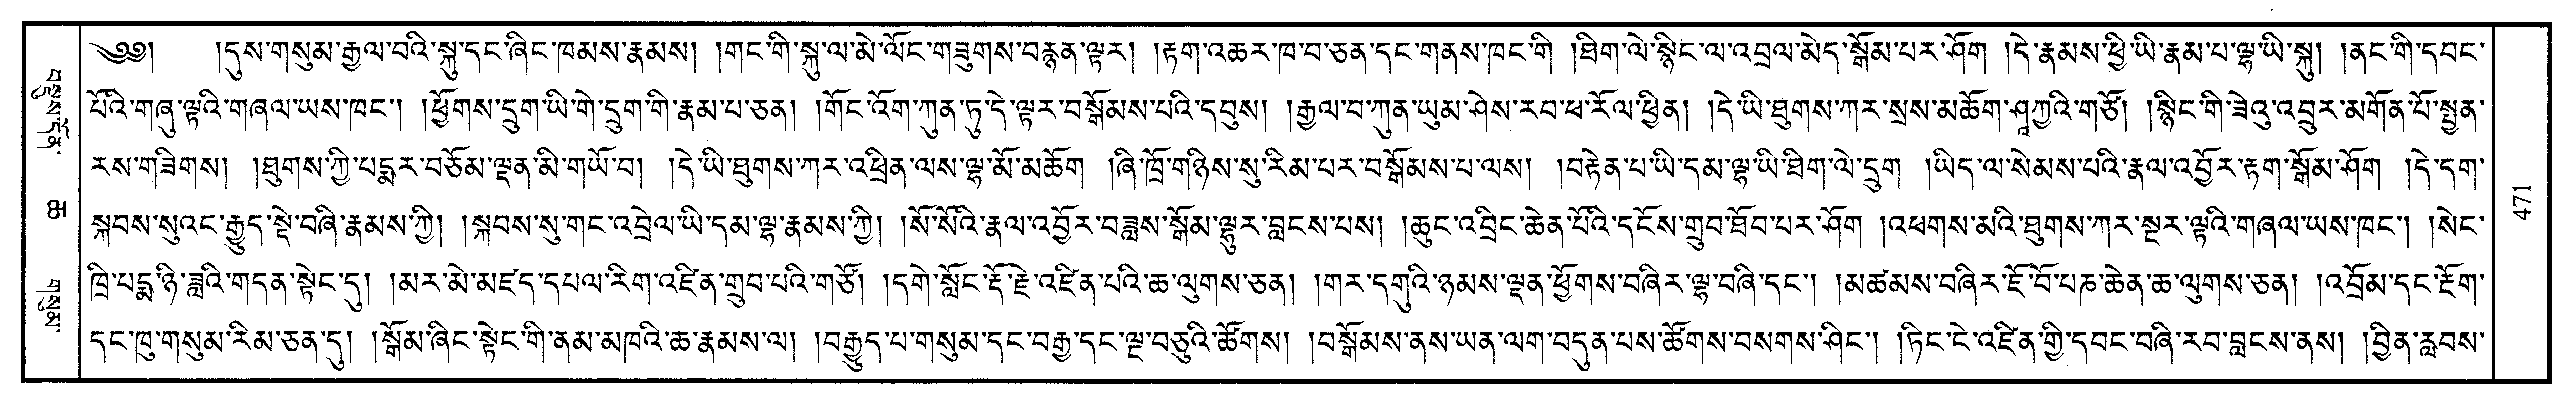༄༅། །དུས་གསུམ་རྒྱལ་བའི་སྐུ་དང་ཞིང་ཁམས་རྣམས། །གང་གི་སྐུ་ལ་མེ་ལོང་གཟུགས་བརྙན་ལྟར། །རྟག་འཆར་ཁ་བ་ཅན་དང་གནས་ཁང་གི །ཐིག་ལེ་སྙིང་ལ་འབྲལ་མེད་སྒོམ་པར་ཤོག །དེ་རྣམས་ཕྱི་ཡི་རྣམ་པ་ལྷ་ཡི་སྐུ། །ནང་གི་དབང་
པོའི་གཞུ་ལྟའི་གཞལ་ཡས་ཁང་། །ཕྱོགས་དྲུག་ཡི་གེ་དྲུག་གི་རྣམ་པ་ཅན། །གོང་འོག་ཀུན་ཏུ་དེ་ལྟར་བསྒོམས་པའི་དབུས། །རྒྱལ་བ་ཀུན་ཡུམ་ཤེས་རབ་ཕ་རོལ་ཕྱིན། །དེ་ཡི་ཐུགས་ཀར་སྲས་མཆོག་ཤཱཀྱའི་གཙོ། །སྙིང་གི་ཟེའུ་འབྲུར་མགོན་པོ་སྤྱན་
རས་གཟིགས། །ཐུགས་ཀྱི་པདམར་བཅོམ་ལྡན་མི་གཡོ་བ། །དེ་ཡི་ཐུགས་ཀར་འཕྲིན་ལས་ལྷ་མོ་མཆོག །ཞི་ཁྲོ་གཉིས་སུ་རིམ་པར་བསྒོམས་པ་ལས། །བརྟེན་པ་ཡི་དམ་ལྷ་ཡི་ཐིག་ལེ་དྲུག །ཡིད་ལ་སེམས་པའི་རྣལ་འབྱོར་རྟག་སྒོམ་ཤོག །དེ་དག་
སྐབས་སུའང་རྒྱུད་སྡེ་བཞི་རྣམས་ཀྱི། །སྐབས་སུ་གང་འབྲེལ་ཡི་དམ་ལྷ་རྣམས་ཀྱི། །སོ་སོའི་རྣལ་འབྱོར་བཟླས་སྒོམ་ལྷུར་བླངས་པས། །ཆུང་འབྲིང་ཆེན་པོའི་དངོས་གྲུབ་ཐོབ་པར་ཤོག །འཕགས་མའི་ཐུགས་ཀར་སྔར་ལྟའི་གཞལ་ཡས་ཁང་། །སེང་
ཁྲི་པདམ་ཉི་ཟླའི་གདན་སྟེང་དུ། །མར་མེ་མཛད་དཔལ་རིག་འཛིན་གྲུབ་པའི་གཙོ། །དགེ་སློང་རྡོ་རྗེ་འཛིན་པའི་ཆ་ལུགས་ཅན། །གར་དགུའི་ཉམས་ལྡན་ཕྱོགས་བཞིར་ལྷ་བཞི་དང་། །མཚམས་བཞིར་ཇོ་བོ་པཎ་ཆེན་ཆ་ལུགས་ཅན། །འབྲོམ་དང་རྔོག་
དང་ཁུ་གསུམ་རིམ་ཅན་དུ། །སྒོམ་ཞིང་སྟེང་གི་ནམ་མཁའི་ཆ་རྣམས་ལ། །བརྒྱུད་པ་གསུམ་དང་བརྒྱ་དང་ལྔ་བཅུའི་ཚོགས། །བསྒོམས་ནས་ཡན་ལག་བདུན་པས་ཚོགས་བསགས་ཤིང་། །ཏིང་ངེ་འཛིན་གྱི་དབང་བཞི་རབ་བླངས་ནས། །བྱིན་རླབས་